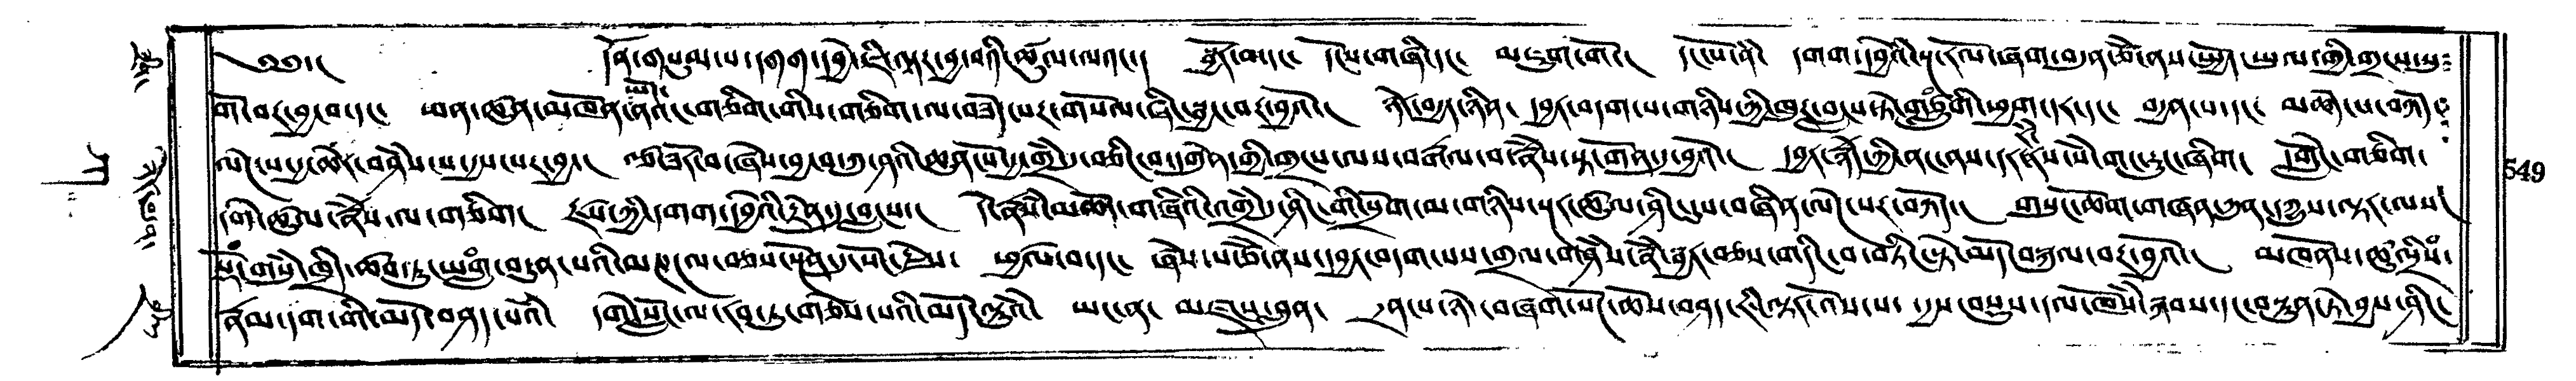དོན་གསུམ་པ་དགག་དབྱེ་ཇི་ལྟར་བྱ་བའི་ཚུལ་ལའང་། སྦྱོར་བ་དང་། དངོས་གཞི་དང་། མཇུག་གོ དང་པོ་ནི། དགག་དབྱེའི་སྔ་རོལ་ཞག་བདུན་ཙམ་ནས་སྤྱོད་ཡུལ་གྱི་གྲོང་དུ་
གོ་བར་བྱ་བ་དང་། ཕན་ཚུན་འཁོན་ཡོད་ནའང་གཅིག་གིས་གཅིག་ལ་བཟོད་པར་གསོལ་ཞིང་སྦྱང་བར་བྱའོ།། ཉེར་བརྒྱད་ཉིན། དབྱར་བདག་པ་གཉིས་ཀྱིས་ཁུར་བླངས་ཏེ་གཙུག་ལག་གི་ཕྱག་དར་དང་། བརྒྱན་དང་། མཆོད་པ་བཀོད་
ལེགས་པ་རྒྱ་ཆེར་བཤམས་པ་རྒྱས་པར་བྱ། རྩ་ཟོར་བ་ཞེས་བྱ་བ་ཀུ་ཤའི་ཆུན་པོ་རྒྱ་གྲམ་དུ་བཅིངས་བ་དགེ་འདུན་གྱི་གྲངས་ལས་བརྒལ་བ་རྣམས་སྟ་གོན་དུ་བྱའོ།། དབྱར་རྙེད་ཀྱི་ནང་ནས་དར་རམ་རས་སམ་གང་རུང་ཞིག དགེ་སློང་ལ་གཅིག་
དང་དགེ་ཚུལ་རྣམས་ལ་གཅིག་བཅས་རྫས་ཀྱི་དགག་དབྱེའི་རྟེན་དུ་བླངས། དེ་རྣམས་མཆོད་གཞིའི་འགྲམ་དུ་ཤིང་གི་སྲོག་མ་གཉིས་སྔར་ཚུལ་ཤིང་དུས་བཞིན་ལེགས་པར་བཀོད། གསུང་ཆོག་གཞན་ཀུན་དཀྱུས་ལྟར་ལས། 
སྡོམ་གསུམ་ཁྲིད་ཚབ་ཏུ་ཡན་ལག་བདུན་པ་མཎྜལ་བཅས་སྔོན་དུ་སོང་རྗེས། ཕྱག་འཚལ་བ་དང་། ཞེས་པ་ཙམ་ནས་དབྱར་བདག་པས་གྲལ་གཤམ་སྣམ་སྦྱར་བཅས་གདིང་བ་བཏིང་སྟེ་མདོ་བསྐུལ་བར་བྱའོ།། མཁན་པོས་ཚུལ་ཁྲིམས་
རྣམ་དག་གི་མདོ་བཤད་པའམ། དགེ་སློང་ལ་རབ་ཏུ་གཅེས་པའི་མདོ་ལྟ་བུའམ། ཡང་ན་མཛངས་བླུན། དྲན་པ་ཉེར་བཞག་སོགས་ཆོས་བཤད་ཇི་ལྟར་འོས་པ་རྒྱས་བསྡུས་དལ་ཁོམས་སྐབས་དང་བསྟུན་ཏེ་བྱས་ཤིང་།